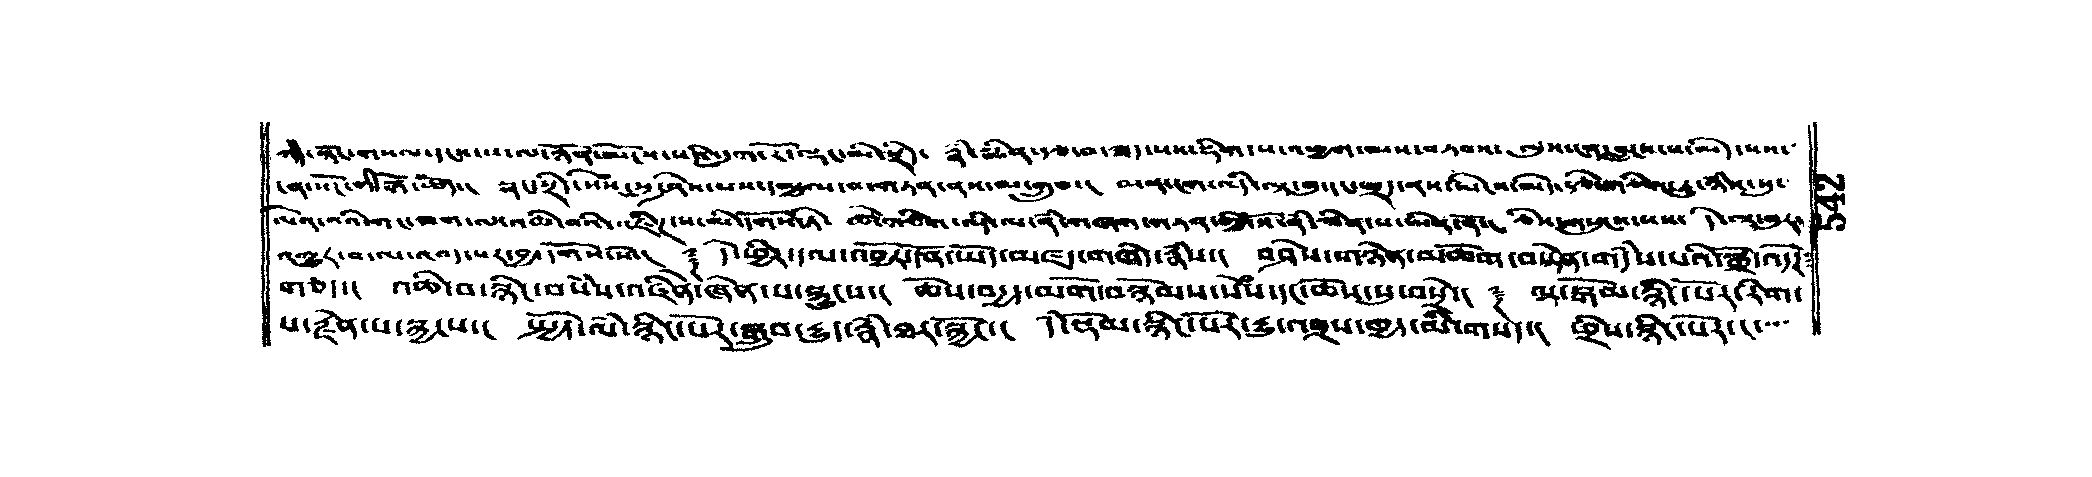ཉིད་སྟོང་གསལ་དྭངས་པ་ལ་ཉོན་མོངས་པའི་དུག་རོ་ལྡང་མི་སྲིད། རྣམ་སྨིན་རྩ་བ་ཟད་པས་སྡིག་པ་འཕྱགས་མས་བཏབས། ལུས་ངན་བླངས་པ་མེད་པས་
ངན་སོང་གི་སྒོ་ཆོད། སྣང་སྲིད་སེམས་སུ་ཤེས་པས་དམྱལ་བ་གཏན་ནས་མ་གྲུབ། མན་ངག་འདི་ལྟ་བུ་དང་ཕྲད་ནས་ཡེངས་མེད་རྩེ་གཅིག་ཏུ་ཉམས་སུ་
ལེན་པའི་གང་ཟག་ལ་འཆི་བའི་འཇིགས་པ་མི་དགོས་ཏེ།ཚེ་གཅིག་འདི་ལ་ནམ་གཞག་གཏན་གྱི་སོ་ནམ་ཟིན་པ་ཡིན་ནོ། ཞེས་གསུངས་པས། དེ་ལྟ་བུར་
འགྱུར་བ་ལ་འབད་པར་བྱ་དགོས་སོ།། ༈ དེ་ཕྱིར་དལ་འབྱོར་དོན་ཡོད་མཛད་བཞེད་རྣམས། །བཤེས་གཉེན་མཆོག་བསྟེན་གདམས་པའི་སྒྲོ་འདོགས་
གཅད། །འཆི་བ་སྙིང་བསམ་འཇིག་རྟེན་ཞེན་པ་སྐྱུངས། །ཆོས་བརྒྱད་མགོ་བསྙོམས་སེམས་དང་ཆོས་སུ་བསྲེ། ༈ ལྟ་སྒོམ་སྙིང་པོར་རིག་
པ་རྗེན་པ་སྐྱོངས། །སྤྱོད་ལམ་སྙིང་པོར་སྒྲུབ་རྒྱུད་རྣམ་ཐར་སྐྱོང་། །དམ་སྡོམ་སྙིང་པོར་རྒྱུ་འབྲས་ཁྱད་མི་གསད། །ཕྲིན་ལས་སྙིང་པོར་ང་